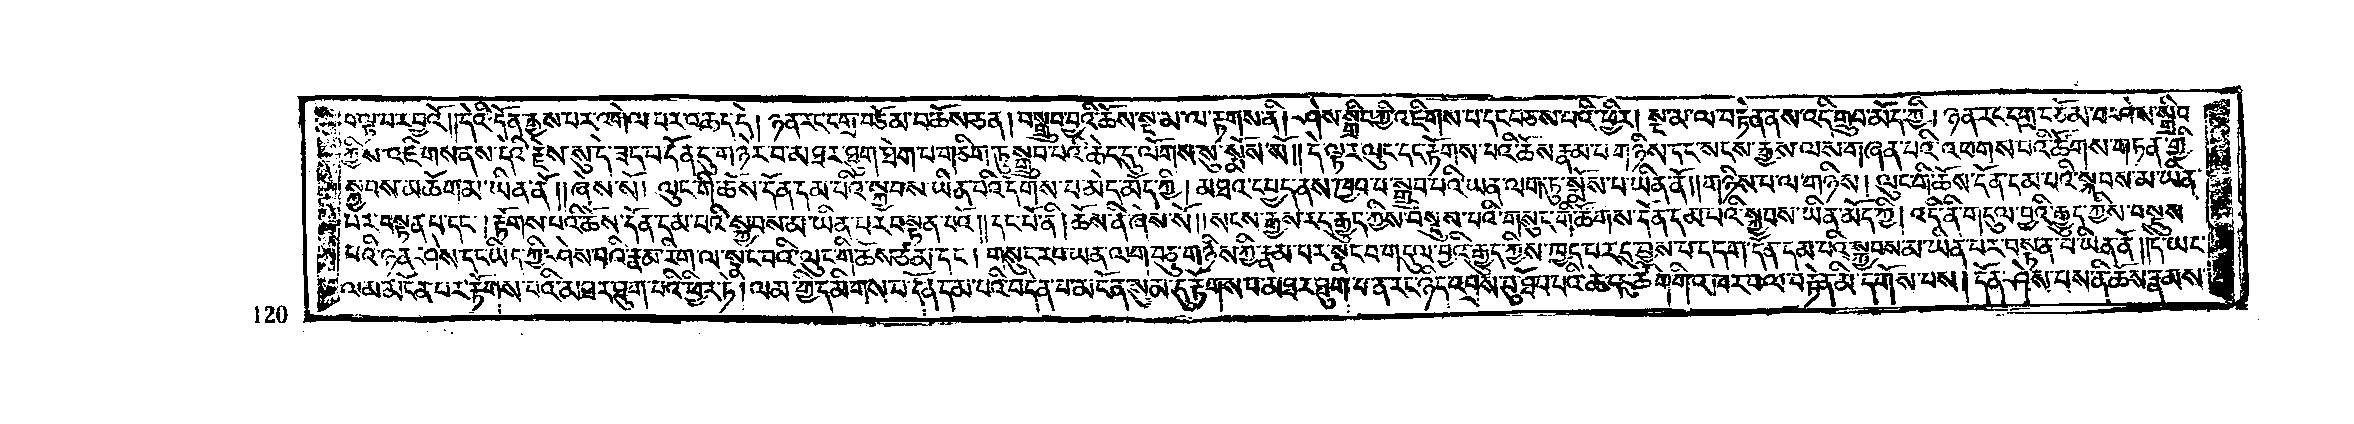བལྟ་བར་བྱའོ། །དེའི་དོན་རྒྱས་པར་འགྲེལ་པར་འཆད་དེ། ཉན་རང་དགྲ་བཅོམ་པ་ཆོས་ཅན། བསྒྲུབ་བྱའི་ཆོས་སྔ་མ་ལ་རྟགས་ནི། ཤེས་སྒྲིབ་ཀྱི་འཇིགས་པ་དང་བཅས་པའི་ཕྱིར། སྔ་མ་ལ་བརྟེན་ནས་འདི་གྲུབ་མོད་ཀྱི། ཉན་རང་དགྲ་བཅོམ་པ་ཤེས་སྒྲིབ་
ཀྱིས་འཇིགས་ནས་དེའི་རྗེས་སུ་དེ་ཟད་པ་དོན་དུ་གཉེར་བ་མཐར་ཐུག་ཐེག་པ་གཅིག་ཏུ་སྒྲུབ་པའི་ཆེད་དུ་ལོགས་སུ་སྨོས་སོ། །དེ་ལྟར་ལུང་དང་རྟོགས་པའི་ཆོས་རྣམ་པ་གཉིས་དང་སངས་རྒྱས་ལས་གཞན་པའི་འཕགས་པའི་ཚོགས་གཏན་གྱི་སྐྱབས་མཆོག་མ་ཡིན་ནོ། །ཞེས་སོ། །ལུང་གི་ཆོས་དོན་དམ་པའི་སྐྱབས་ཡིན་པའི་དགས་པ་མེད་མོད་ཀྱི། མཐའ་དཔྱད་ནས་ཁྱབ་པ་སྒྲུབ་པའི་ཡན་ལག་ཏུ་སྨོས་པ་ཡིན་ནོ། །གཉིས་པ་ལ་གཉིས། ལུང་གི་ཆོས་དོན་དམ་པའི་སྐབས་མ་ཡིན་
པར་བསྟན་པ་དང་། རྟོགས་པའི་ཆོས་དོན་དམ་པའི་སྐྱབས་མ་ཡིན་པར་བསྟན་པའོ། །དང་པོ་ནི། ཆོས་ནི་ཞེས་སོ། །སངས་རྒྱས་རང་རྒྱུད་ཀྱིས་བསྡུས་པའི་གསུང་གི་ཚོགས་དོན་དམ་པའི་སྐྱབས་ཡིན་མོད་ཀྱི། འདི་ནི་གདུལ་བྱའི་རྒྱུད་ཀྱིས་བསྡུས་
པའི་ཉན་ཤེས་དང་ཡིད་ཀྱི་ཤེས་པའི་རྣམ་རིག་ལ་སྣང་བའི་ལུང་གི་ཆོས་ཙམ་དང་། གསུང་རབ་ཡན་ལག་བཅུ་གཉིས་ཀྱི་རྣམ་པར་སྣང་བ་གདུལ་བྱའི་རྒྱུད་ཀྱིས་ཁྱད་པར་དུ་བྱས་པ་དེ་དག་དོན་དམ་པའི་སྐྱབས་མ་ཡིན་པར་བསྟན་པ་ཡིན་ནོ། །དེ་ཡང་
ལམ་མངོན་པར་རྟོགས་པའི་མཐར་ཐུག་པའི་ཕྱིར་ཏེ། ལམ་གྱི་དམིགས་པ་དོན་དམ་པའི་བདེན་པ་མངོན་སུམ་དུ་རྟོགས་པ་མཐར་ཐུག་པ་ན་རང་ཉིད་འབྲས་བུ་ཐོབ་པའི་ཆེད་དུ་ཚིག་གི་འཁར་བ་ལ་བརྟེན་མི་དགོས་པས། དོན་ཤེས་པས་ནི་ཆོས་རྣམས་